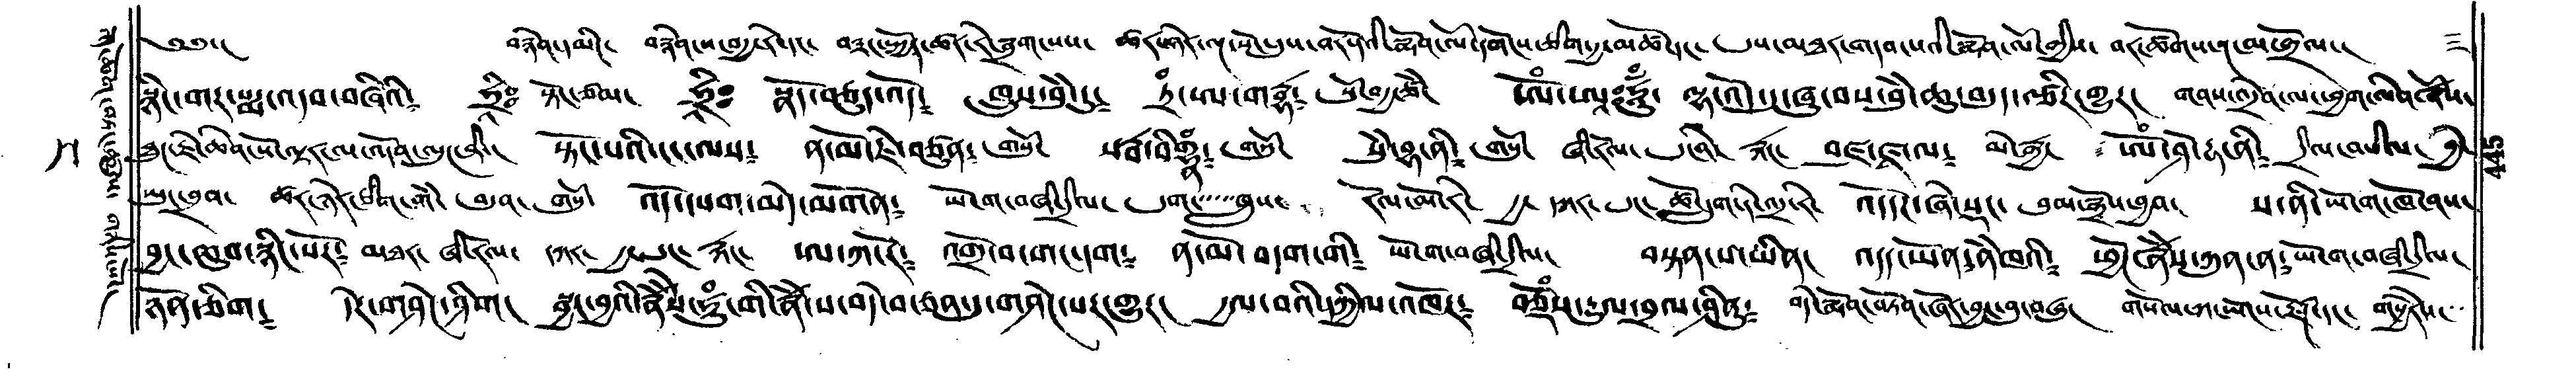བསྙེན་དམིགས། བསྙེན་པ་བརྒྱ་རེ་དང་། བཟང་སྤྱོད་ཚར་རེ་སྦྲགས་པས་ཚར་ཉེར་ལྔ་སོང་དུས་བར་དོའི་སྨོན་ལམ་དགོངས་ཅིག་རྒྱ་མཚོ་དང་། དུས་མཐར་གདབ་པའི་སྨོན་ལམ་གྱིས་བར་ཚོགས་སྔ་མ་གྲོལ། 
སྙིང་གར་པདྨ་འདབ་བཞིའི༴ ཧྲཱིཿ སྟོང་ཙམ། ཧྲཱིཿ སྣོད་བཅུད་འོད༴ ཁྲུས་བུམ་དུ༴ ཏྲཱཾ་ཨ་གརྦྷ༴ སུམ་བརྒྱ་ཙམ། ཨོཾ་ཨཱཿཧཱུྃ༔ ལྷ་འོད་དུ་ཞུ་བས་བུམ་ཆུ་བདུད་རྩིར་གྱུར། གནས་འདྲེན་གྱི་ཕྱག་ལེན་རྣམས་
ཐུགས་རྗེ་ཆེན་པོ་ལྟར་ལ། འདོན་ལུགས་ནི། སྟོང་པའི་ངང་ལས༴ ན་མོ། རྗེ་བཙུན༴ གསུམ། སརྦ་བིགྷྣཾ༴ གསུམ། སུམ་བྷ་ནི༴ གསུམ། ཞི་རོལ། དུང་ཆེན། རྐང་། བཛྲ་ཛྭ་ལ༴ མེ་རྒྱ། ཨོཾ་ཤོ་དྷ་ནི༴ དྲིལ་བསིལ། བྱེ་
ཡུངས་བྲབ། ཚར་ཉེར་ཅིག་གམ། བདུན་གསུམ་གང་རུང་། འོད་དཔག་མེད་མགོན༴ ཡོ་ག་བཞི་དྲིལ། དུག་ཁྲུས། རོལ་མོ་རེ། རྒྱ། དཀར། དུང་། ཚོ་དྲུག་དེ་འདྲ་རེ། འདོད་ཆགས་ཞེ་སྡང་། བུམ་སྒྲོས་བྱབ། ས་ནི༴ ཡོ་ག་ཁོ་ནས། 
བྱང་ཆུབ་སྙིང་པོར༴ མཐར་ཞི་རོལ། དཀར། རྒྱ། དུང་། རྐང་། ཨ་ཀ་རོ༴ འགྲོ་བ་གང་དག༴ ན་མོ། བདག་གི༴ ཡོ་ག་བཞི་དྲིལ། བསྟན་པ་ཡིན། །འདོད་ཡོན་ནམ་མཁའི༴ཕྱོགས་རྣམས་ཀུན་ན༴ ཡོ་ག་བཞི་དྲིལ། 
ཉོན་ཅིག༴ དེར་གཤེགས་ཤིག སྦྱང་བྱའི་རྣམ་ཤེས་ཧཱུྃ་གི་རྣམ་པ་བདེ་བ་ཅན་དུ་གཤེགས་པར་གྱུར། རྒྱལ་བའི་དཀྱིལ་འཁོར༴ བཅོམ་ལྡན་འདས་རྡུལ་བྲལ་ཤིན་ཏུ༴ བདེ་སྨོན་འདོན་ཞོར་བྱང་བུ་ཞུགས་ལ་སྦར། གསོལ་ཀ་ཡོངས་རྫོགས་དང་། གསེར་སྐྱེམས་